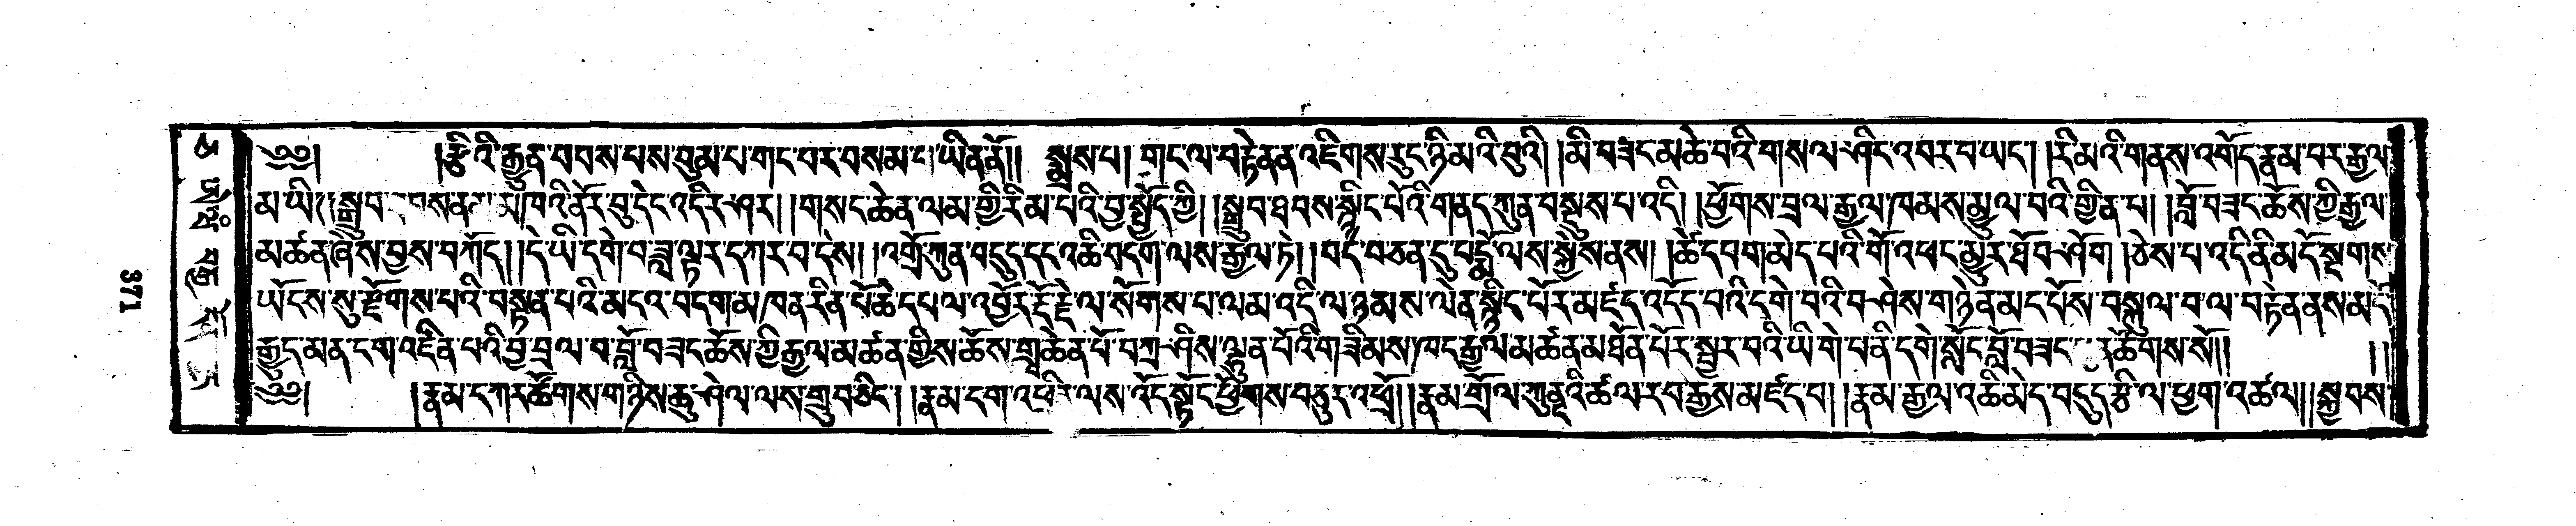༄༅། །རྩིའི་རྒྱུན་བབས་པས་བུམ་པ་གང་བར་བསམ་པ་ཡིན་ནོ། །སྨྲས་པ། གང་ལ་བརྟེན་ན་འཇིགས་རུང་ཉི་མའི་བུའི། །མི་བཟང་མཆེ་བའི་གསལ་ཤིང་འབར་བ་ཡང་། །རི་མའི་གནས་འགོད་རྣམ་པར་རྒྱལ་
མ་ཡི༑ ༑སྒྲུབ་ཐབས་ནམ་མཁའི་ནོར་བུ་དེང་འདིར་ཤར། །གསང་ཆེན་ལམ་གྱི་རིམ་པའི་བྱ་སྤྱོད་ཀྱི། །སྒྲུབ་ཐབས་སྙིང་པོའི་གནད་ཀུན་བསྡུས་པ་འདི། །ཕྱོགས་བྲལ་རྒྱལ་ཁམས་མྱུལ་བའི་གྱི་ན་པ། །བློ་བཟང་ཆོས་ཀྱི་རྒྱལ་
མཚན་ཞེས་བྱས་བཀོད། །དེ་ཡི་དགེ་བ་ཟླ་ལྟར་དཀར་བ་དེས། །འགྲོ་ཀུན་བདུད་དང་འཆི་བདག་ལས་རྒྱལ་ཏེ། །བདེ་བ་ཅན་དུ་པདམོ་ལས་སྐྱེས་ནས། །ཚེ་དཔག་མེད་པའི་གོ་འཕང་མྱུར་ཐོབ་ཤོག །ཅེས་པ་འདི་ནི་མདོ་སྔགས་
ཡོངས་སུ་རྫོགས་པའི་བསྟན་པའི་མངའ་བདག་མཁན་རིན་པོ་ཆེ་དཔལ་འབྱོར་རྡོ་རྗེ་ལ་སོགས་པ་ལམ་འདི་ལ་ཉམས་ལེན་སྙིང་པོར་མཛད་འདོད་པའི་དགེ་བའི་བཤེས་གཉེན་མང་པོས་བསྐུལ་བ་ལ་བརྟེན་ནས་མདོ་
རྒྱུད་མན་ངག་འཛིན་པའི་བྱ་བྲལ་བ་བློ་བཟང་ཆོས་ཀྱི་རྒྱལ་མཚན་གྱིས་ཆོས་གྲྭ་ཆེན་པོ་བཀྲ་ཤིས་ལྷུན་པོའི་གཟིམས་ཁང་རྒྱལ་མཚན་མཐོན་པོར་སྦྱར་བའི་ཡི་གེ་པ་ནི་དགེ་སློང་བློ་བཟང་ཕུན་ཚོགས་སོ།། །།